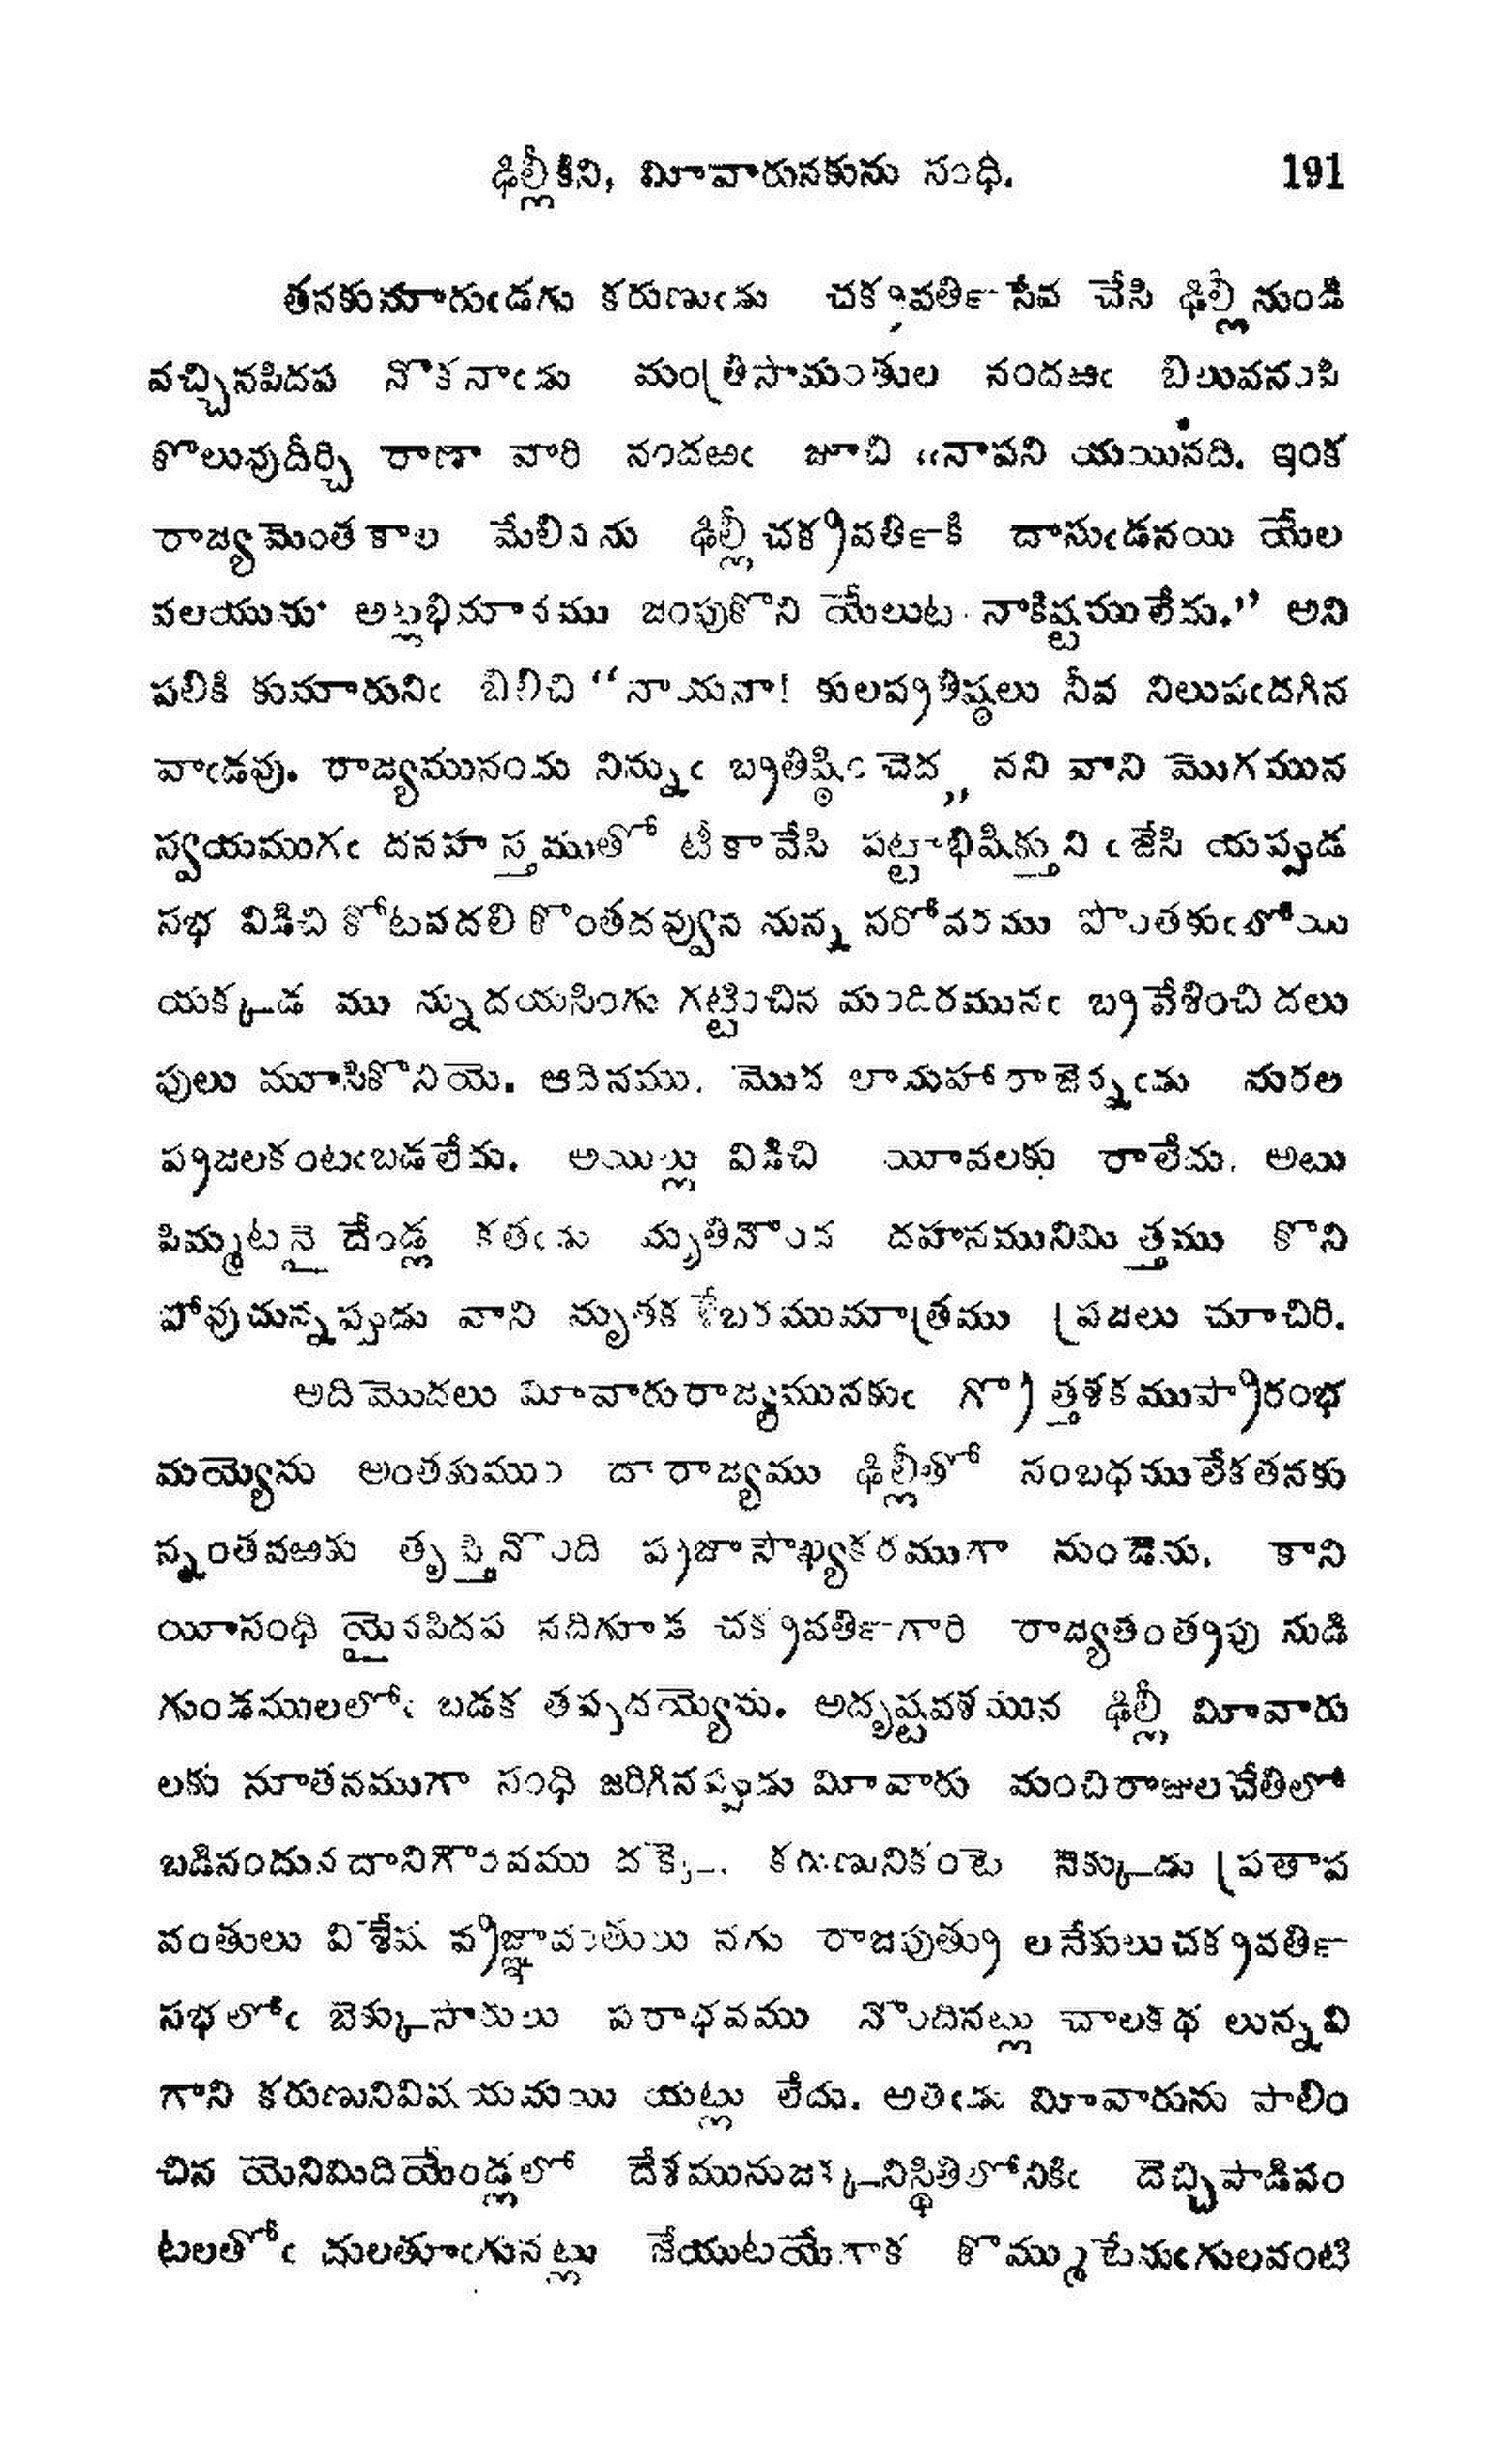తనకుమారుఁడగు కరుణుఁడు చక్రవతి౯ సేవ చేసి ఢిల్లీ నుండి వచ్చినపిదప నొకనాఁడు మంత్రి సామంతుల నందఱఁ బిలువనంపి
కొలువుదీర్చి రాణా వారి నందఱఁ జూచి "నాపని యయినది. ఇంక రాజ్యమెంత కాల మేలినను ఢిల్లీ చక్రవతి౯కి దాసుఁడనయి యేల
వలయును' అట్లభిమానము జంపుకొని యేలుట నాకిష్టము లేదు." అని పలికి కుమారునిఁ బిలిచి “నాయనా! కులప్రతిష్ఠలు నీవ నిలుపఁదగిన వాఁడవు. రాజ్యమునందు నిన్నుఁ బతిష్ఠించెద" నని వాని మొగమున స్వయముగఁ దనహస్తముతో టీకా వేసి పట్టాభిషిక్తునిఁ జేసి యప్పుడ సభ విడిచి కోటవదలి గొంతదవ్వున నున్న సరోవరము పొంతకుఁ బోయి యక్కడ మున్నుదయసింగు గట్టించిన మందిరమునఁ బ్రవేశించి దలుపులు మూసికొనియె. ఆదినము. మొద లామహారాజెన్నఁడు మరల ప్రజలకంటఁబడ లేదు. అయిల్లు వికిచి యీవలకు రాలేదు. అటు పిమ్మట నై దేండ్ల కతఁడు మృతినొంద దహనము నిమిత్తము కొనిపోవు చున్నప్పుడు వాని మ్రుతకళేబరము మాత్రము ప్రజలు చూచిరి.

అది మొదలు మీవారు రాజ్యమునకుఁ గ్రోత్తశకముప్రారంభమయ్యెను. అంతకుముందా రాజ్యము ఢిల్లీతో సంబధము లేక తనకున్నంత వఱకు తృప్తి నొంది ప్రజా సౌఖ్యకరముగా నుండెను. కాని యీసంధి యైనపిదప నదిగూడ చక్రవతి౯ గారి రాజ్యతంత్రపు సుడిగుండములలో బడక తప్పదయ్యెను. అదృష్టవశమున ఢిల్లీ మీవారు లకు నూతనముగా సంధి జరిగినప్పుడు మీవారు మంచి రాజుల చేతిలో బడినందున దానిగౌరవము దక్కె. కరుణునికంటె నెక్కుడు ప్రతాపవంతులు విశేష ప్రజ్ఞావంతులు నగు రాజపుత్రు లనేకులు చక్రవతి౯ సభలోఁ బెక్కు సారులు పరాభవము నొందినట్లు చాలకథ లున్నవి గాని కరుణునివిషయమయి యట్లు లేదు. అతఁడు మీవారును పాలించీన యెనిమిది యేండ్లలో దేశమును జక్కనిస్థితిలోనికి దెచ్చి పాడిపంటలతోఁ దులతూగునట్లు చేయుటయే గాక కొమ్ముటేనుఁగులవంటి